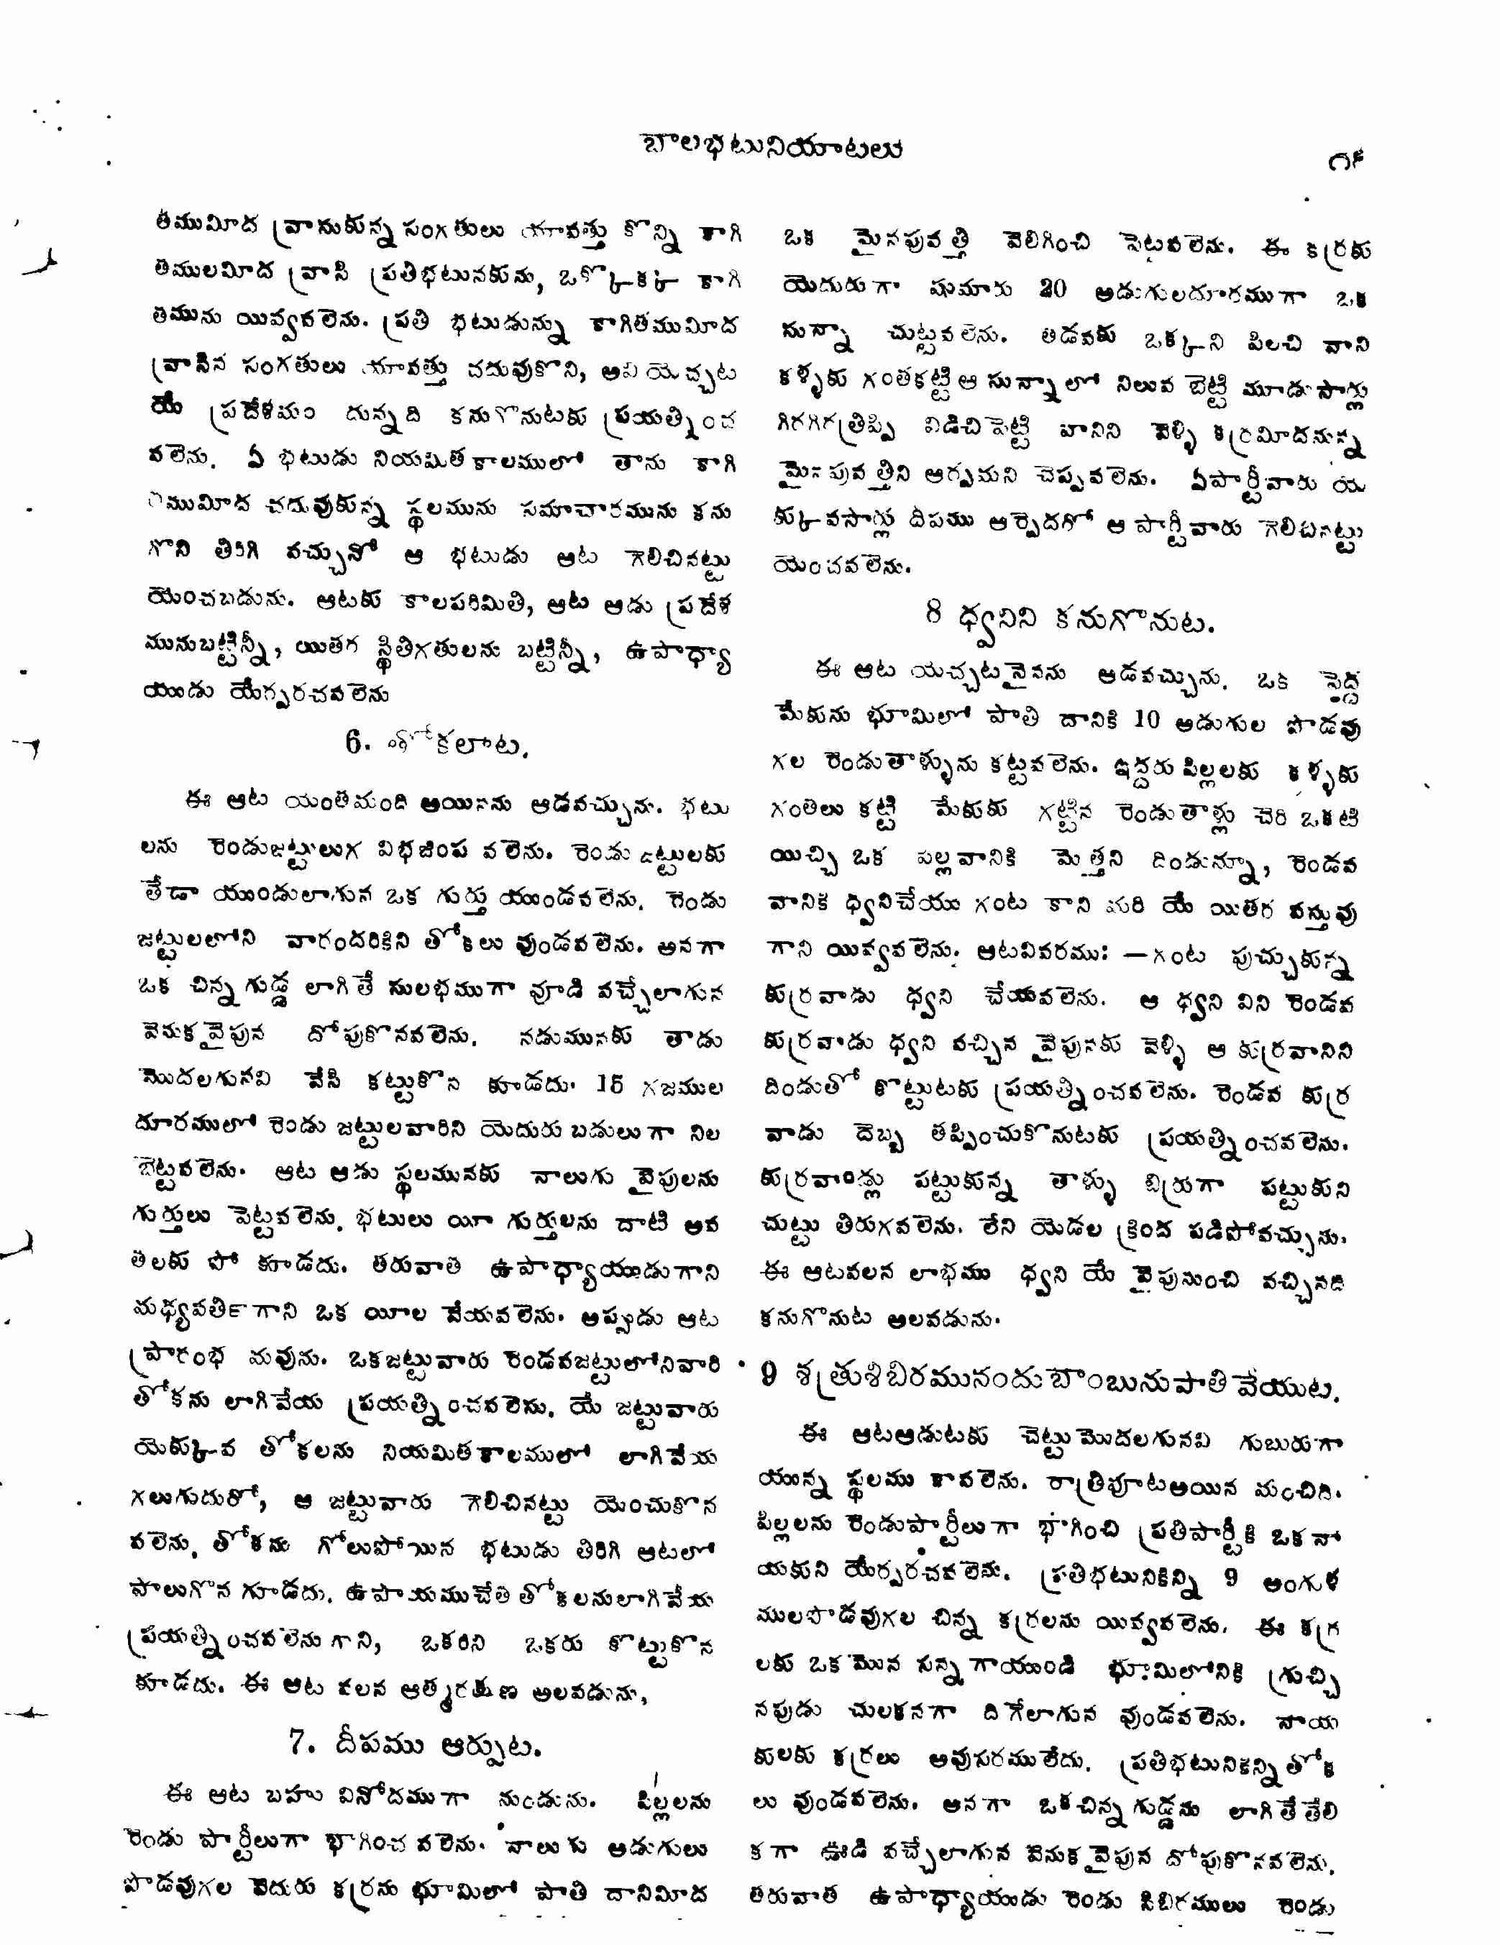తీముమీద వ్రాసుకున్న సంగతులు యావత్తు కొన్ని కాగితములమీద వ్రాసి ప్రతిభటునకును, ఒక్కొక్క కాగితమును యివ్వవలెను. ప్రతి భటుడున్ను కాగితము మీద వ్రాసిన సంగతులు యావత్తు చదువుకొని, అనియెచ్చట ప్రదేశమందున్నది కనుకొనుటకు ప్రయత్నించ
వలెను. ఏ భటుడు నియమిత కాలములో తాను కాగితముమీద చదువుకున్న స్థలమును సమాచారమును కనుగొని తిరిగి వచ్చునో ఆ భటుడు ఆట గెలిచినట్టు యెంచబడును. ఆటకు కాలపరిమితి, ఆట ఆడు ప్రదేశమునుబట్టిన్నీ, యితర స్థితిగతులను బట్టిన్నీ, 
ఉపాధ్యాయుడు యేగ్పరచవలెను.

ఈ ఆట యొంతమంది అయినను ఆడవచ్చును. భటులను రెండు జట్టులుగ విభజింపవలెను. రెండు జట్టులకు తేడా యుండులాగున ఒక గుర్తు యుండవలెను. రెండుజట్టులలోని వారందరికిని తోకలు వుండవలెను. అనగా ఒక చిన్న గుడ్డ లాగితే సులభముగా వూడి వచ్చేలాగున వెనుక వైపున దోపుకొనవలెను. నడుమునకు తాడు మొదలగునవి వేసి కట్టుకొని కూడదు. 15 గజముల దూరములో రెండు జట్టులవారిని యెదురు బదులుగా నిలబెట్టవలెను. ఆట ఆడు స్థలమునకు నాలుగు వైపులను గుర్తులు పెట్టవలెను. భటులు యీ గుర్తులను దాటి అవతలకు పోకూడదు. తరువాత ఉపాధ్యాయుడుగాని మధ్యవతి౯ గాని ఒక యీల వేయవలెను. అప్పుడు ఆట
ప్రారంభమవును. ఒక జట్టువారు రెండవజట్టులోనివారి తోకను లాగివేయ ప్రయత్నించవలెను, యే జట్టువారు యెక్కువ తోకలను నియమితకాలములో లాగివేయ గలుగుదురో, ఆ జట్టువారు గెలిచినట్టు యెంచుకొనవలెను. తోకను గోలుపోయిన భటుడు తిరిగి ఆటలో
పాలుగొనగూడదు. ఉపాయముచేతితో కలను లాగివేయు ప్రయత్నించవలెను గాని, ఒకరిని ఒకరు కొట్టుకొన కూడదు. ఈ ఆట వలన ఆత్మరక్షణ అలవడును,

ఈ ఆట బహు వినోదము గా నుండును. పిల్లలను రెండు పార్టీలుగా భాగించవలెను. నాలుగు అడుగులు పొడవుగల వెదురు కర్రను భూమిలో పాతి దానిమీద ఒక మైనపువత్తి వెలిగించి పెట్టవలెను. ఈ కర్రకు యెదురు గా షుమారు 20 అడుగుల దూరముగా సున్నా చుట్టవలెను. తడవకు ఒక్కని పిలచి వాని కళ్ళకు గంతకట్టి ఆ సున్నాలో నిలువ బెట్టి మూడుసార్లు గిరగిర త్రిప్పి విడిచి పెట్టి వానిని వెళ్ళి కర్రమీదనున్న మైనపువత్తిని ఆర్పమని చెప్పవలెను. ఏపార్టీవారు యక్కువసార్లు దీపము ఆర్పెదగో ఆ పార్టీవారు గెలిచినట్టు
యెంచవలెను.

ఈ ఆట యచ్చటనైనను ఆడవచ్చును. ఒక పెద్ద మేకును భూమిలో పాతి దానికి 10 అడుగుల పొడవు గల రెండు తాళ్ళును కట్టవలెను. ఇద్దరు పిల్లలకు కళ్ళకు గంతలు కట్టి మేకుకు గట్టిన రెండు తాళ్లు చెరి ఒకటి యిచ్చి ఒక పిల్లవానికి మెత్తని దిండున్నూ, రెండవ
వానికి ధ్వనిచేయు గంట కాని మరి యే యితర వస్తువుగాని యివ్వవలెను. ఆటవివరము: - గంట పుచ్చుకున్న కుర్రవాడు ధ్వని చేయవలెను. ఆ ధ్వని విని రెండవ కుర్రవాడు ధ్వని వచ్చిన వైపునకు వెళ్ళి ఆ కుర్రవానిని దిండుతో కొట్టుటకు ప్రయత్నించవలెను. రెండవ కుర్రవాడు దెబ్బ తప్పించుకొనుటకు ప్రయత్నించవలెను. కుర్రవాండ్లు పట్టుకున్న తాళ్ళు బిర్రుగా పట్టుకుని చుట్టు తిరుగవలెను. లేని యెడల క్రింద పడిపోవచ్చును. ఈ ఆటవలన లాభము ధ్వని యే వైపునుంచి వచ్చినది కనుగొనుట అలవడును.

ఈ ఆట ఆడుటకు చెట్టు మొదలగునవి గుబురుగా యున్న స్థలము కావలెను. రాత్రిపూట అయిన మంచిది. పిల్లలను రెండుపార్టీలు 
గా భాగించి ప్రతిపార్టీకి ఒక నాయకుని యేర్పరచవలెను. ప్రతిభటునికిన్ని 9 అంగుళముల పొడవుగల చిన్న కర్రలను యివ్వవలెను. 
ఈ కర్రలకు ఒక మొన సన్నగాయుండి భూమిలోనికి గ్రుచ్చీనపుడు చులకనగా దిగేలాగున వుండవలెను. సాయకులకు కర్రలు అవుసరములేదు. ప్రతిభటునికన్ని తోకలు వుండవలెను. అనగా ఒక చిన్న గుడ్డను లాగితే తేలికగా ఊడి వచ్చేలాగున వెనుకవైపున దోపుకొనవలెను. తరువాత ఉపాధ్యాయుడు రెండు సిబిరములు